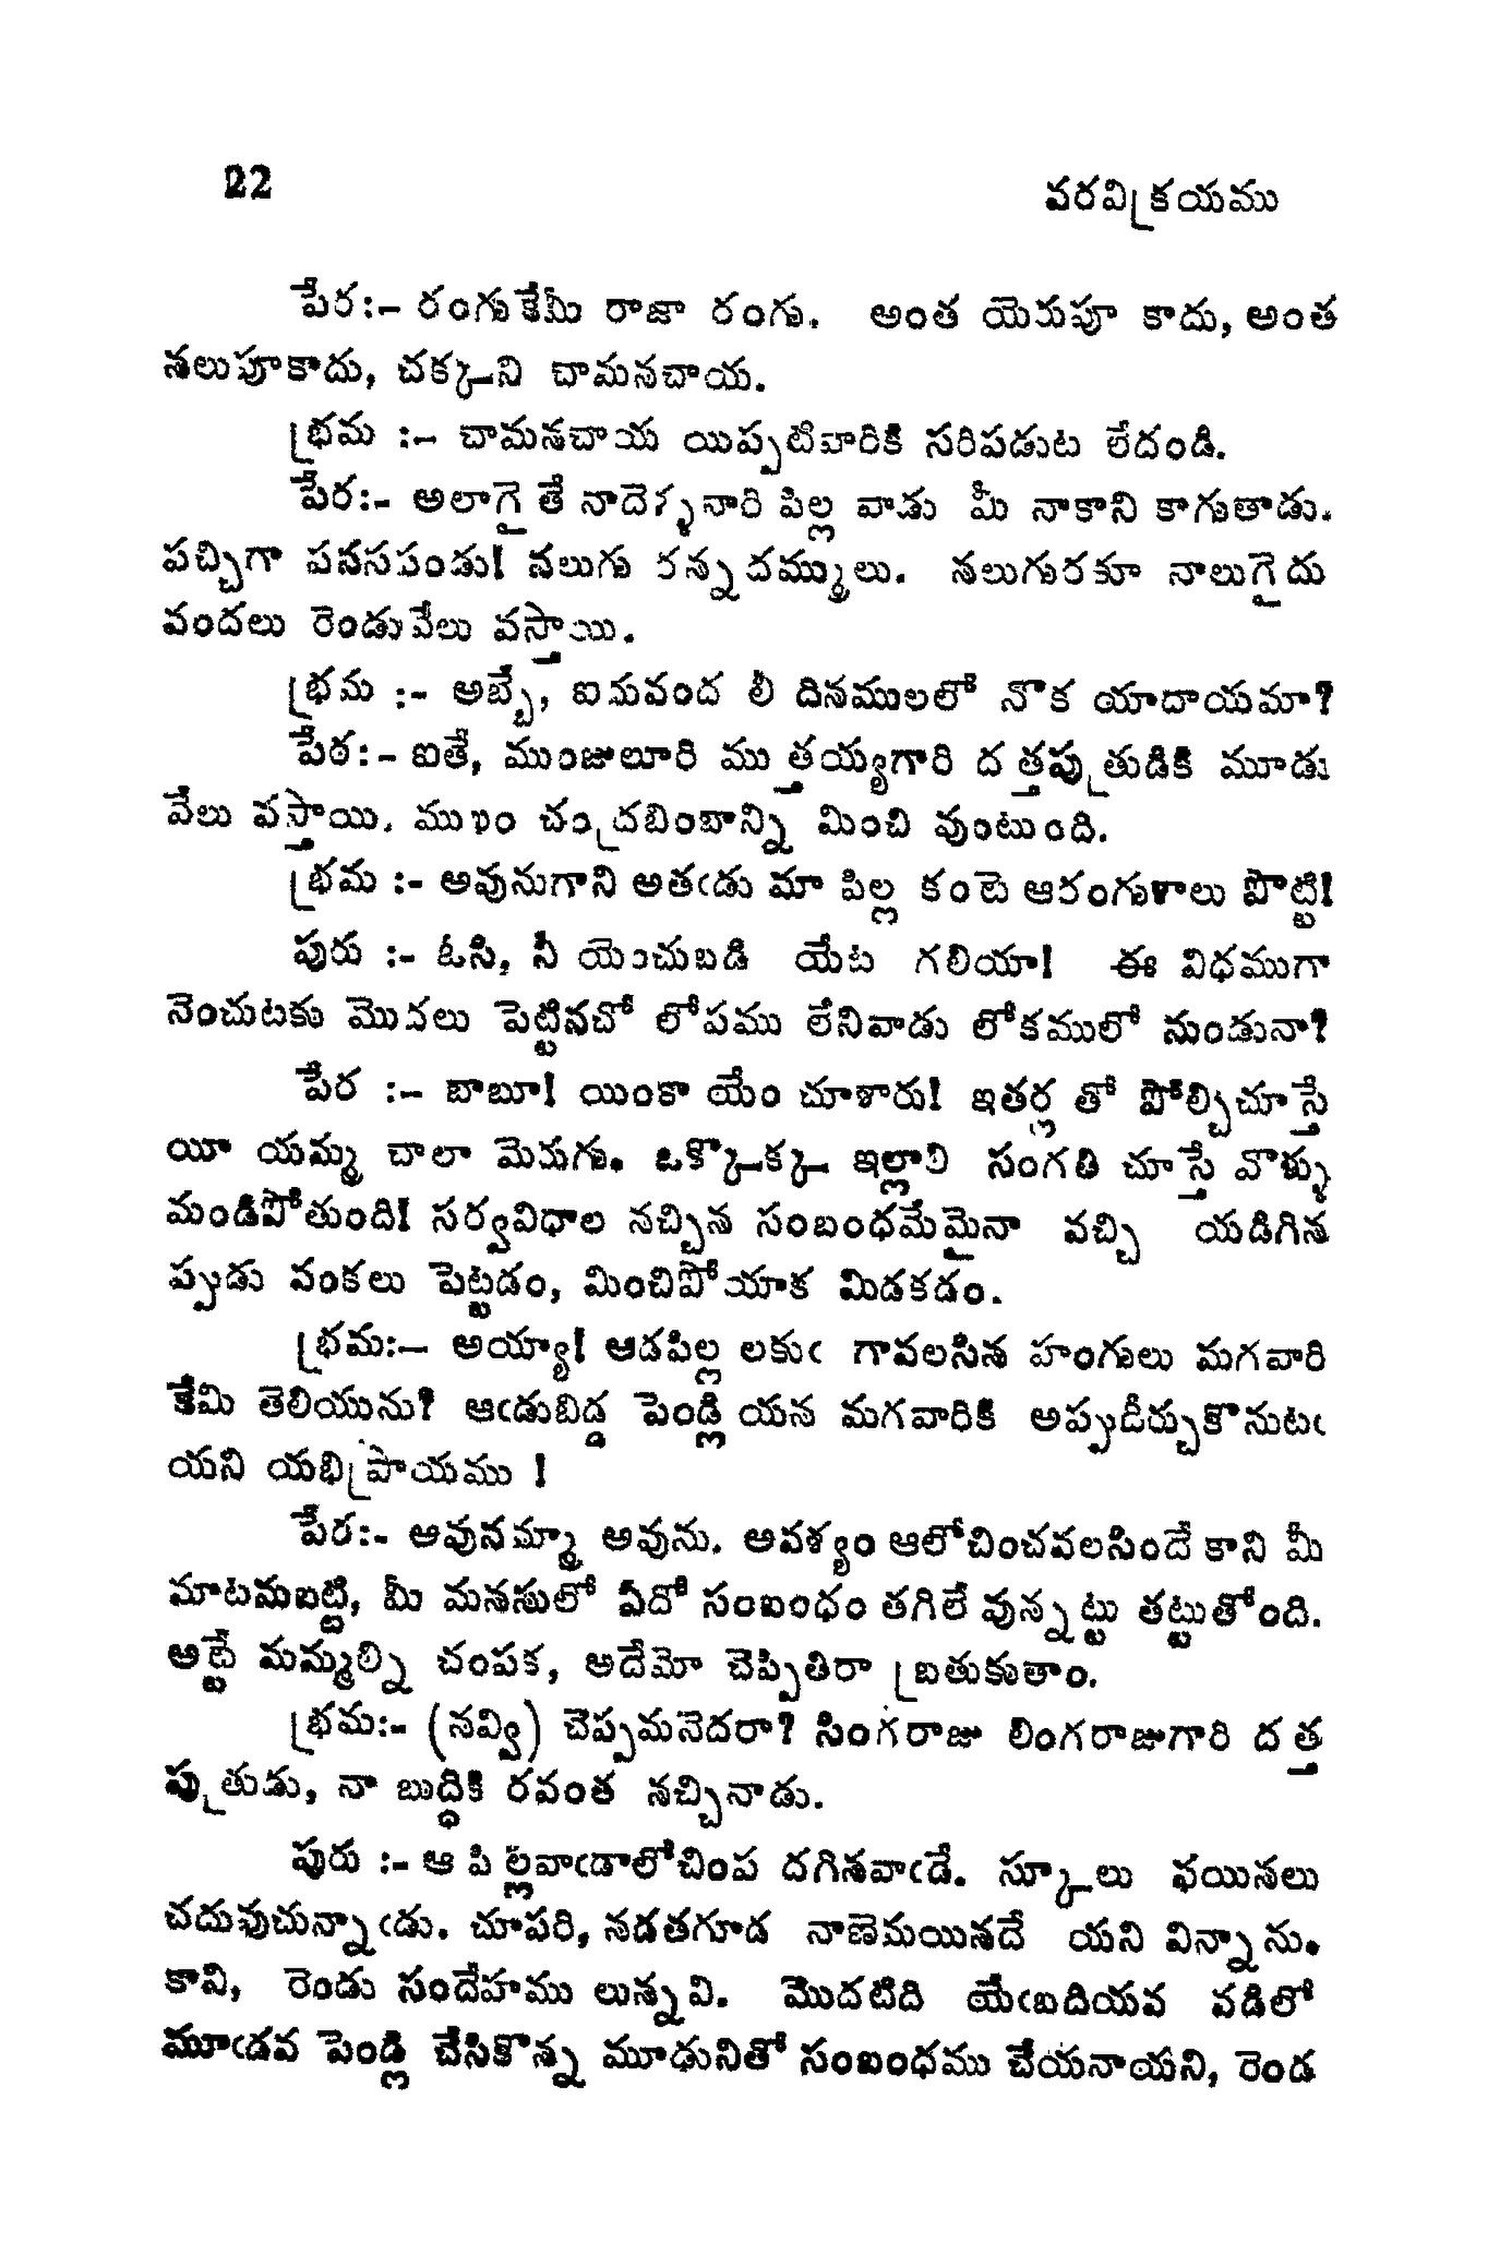పేర:- రంగుకేమీ రాజా రంగు. అంత యెరుపూ కాదు. అంత నలుపూకాదు, చక్కని చామనచాయ.

భ్రమ:- చామనచాయ యిప్పటివారికి సరిపడుట లేదండి.

పేర:- అలాగైతే నాదెళ్ళవారి పిల్ల వాడు మీ నాకాని కాగుతాడు.
పచ్చిగా పనసపండు. నలుగు రన్నదమ్ములు. నలుగురకూ నాలుగైదువందలు రెండువేలు వస్తాయి.

భ్రమ:- అబ్బే! ఐదువంద లీదినములలో నొక యాదాయమా?

పేర:- ఐతే, ముంజులూరి ముత్తయ్యగారి దత్తపుత్రుడికి మూడువేలు వస్తాయి. ముఖం చంద్రబింబాన్ని మించి వుంటుంది.

భ్రమ:- అవునుగాని అతఁడు మా పిల్ల కంటె ఆరంగుళాలు పొట్టి?

పురు:- ఓసి, నీ యెంచుబడి యేట గలియా! ఈ విధముగా నెంచుటకు మొదలు పెట్టినచో లోపము లేనివాడు లోకములో నుండునా?

పేర:- బాబూ! యింకా యేం చూశారు! ఇతర్ల తో పోల్చిచూస్తే యీ యమ్మ చాలా మెరుగు. ఒక్కొక్క ఇల్లాలి సంగతి చూస్తే వొళ్లు మండిపోతుంది! సర్వవిధాలా నచ్చిన సంబంధమేమైనా వచ్చి యడిగినప్పుడు వంకలు పెట్టడం, మించిపోయాక మిడకడం!

భ్రమ:- అయ్యా! ఆఁడుపిల్ల లకుఁ గావలసిన హంగులు మగవారి కేమి తెలియును? ఆఁడుబిడ్డ పెండ్లి యన, మగవారికి అప్పుదీర్చుకొనుటఁ యని యభిప్రాయము!

పేర:- అవునమ్మా! అవును అవశ్యం ఆలోచించవలసిందే కాని మీ మాటనుబట్టి, మీ మనసులో ఏదో సంబంధం తగిలే వున్నట్టు తట్టుతోంది. అట్టే మమ్మల్ని చంపక, అదేమో చెప్పితిరా బ్రతుకుతాం.

భ్రమ:- (నవ్వి) చెప్పమనెదరా? సింగరాజు లింగరాజుగారి దత్తపుత్రుడు, నా బుద్ధికి రవంత నచ్చినాఁడు.

పురు:- ఆ పిల్లవాఁడాలోచింపఁ దగినవాఁడే. స్కూలు ఫయినలు చదువుతున్నాఁడు, చూపరి, నడతగూడ నాణెమయినదె యని విన్నాను. కాని, రెండు సందేహము లున్నవి. మొదటిది యేఁబదియవ వడిలో మూఁడవపెండ్లి చేసికొన్న మూఢునితో సంబంధము చేయనాయని. రెండ